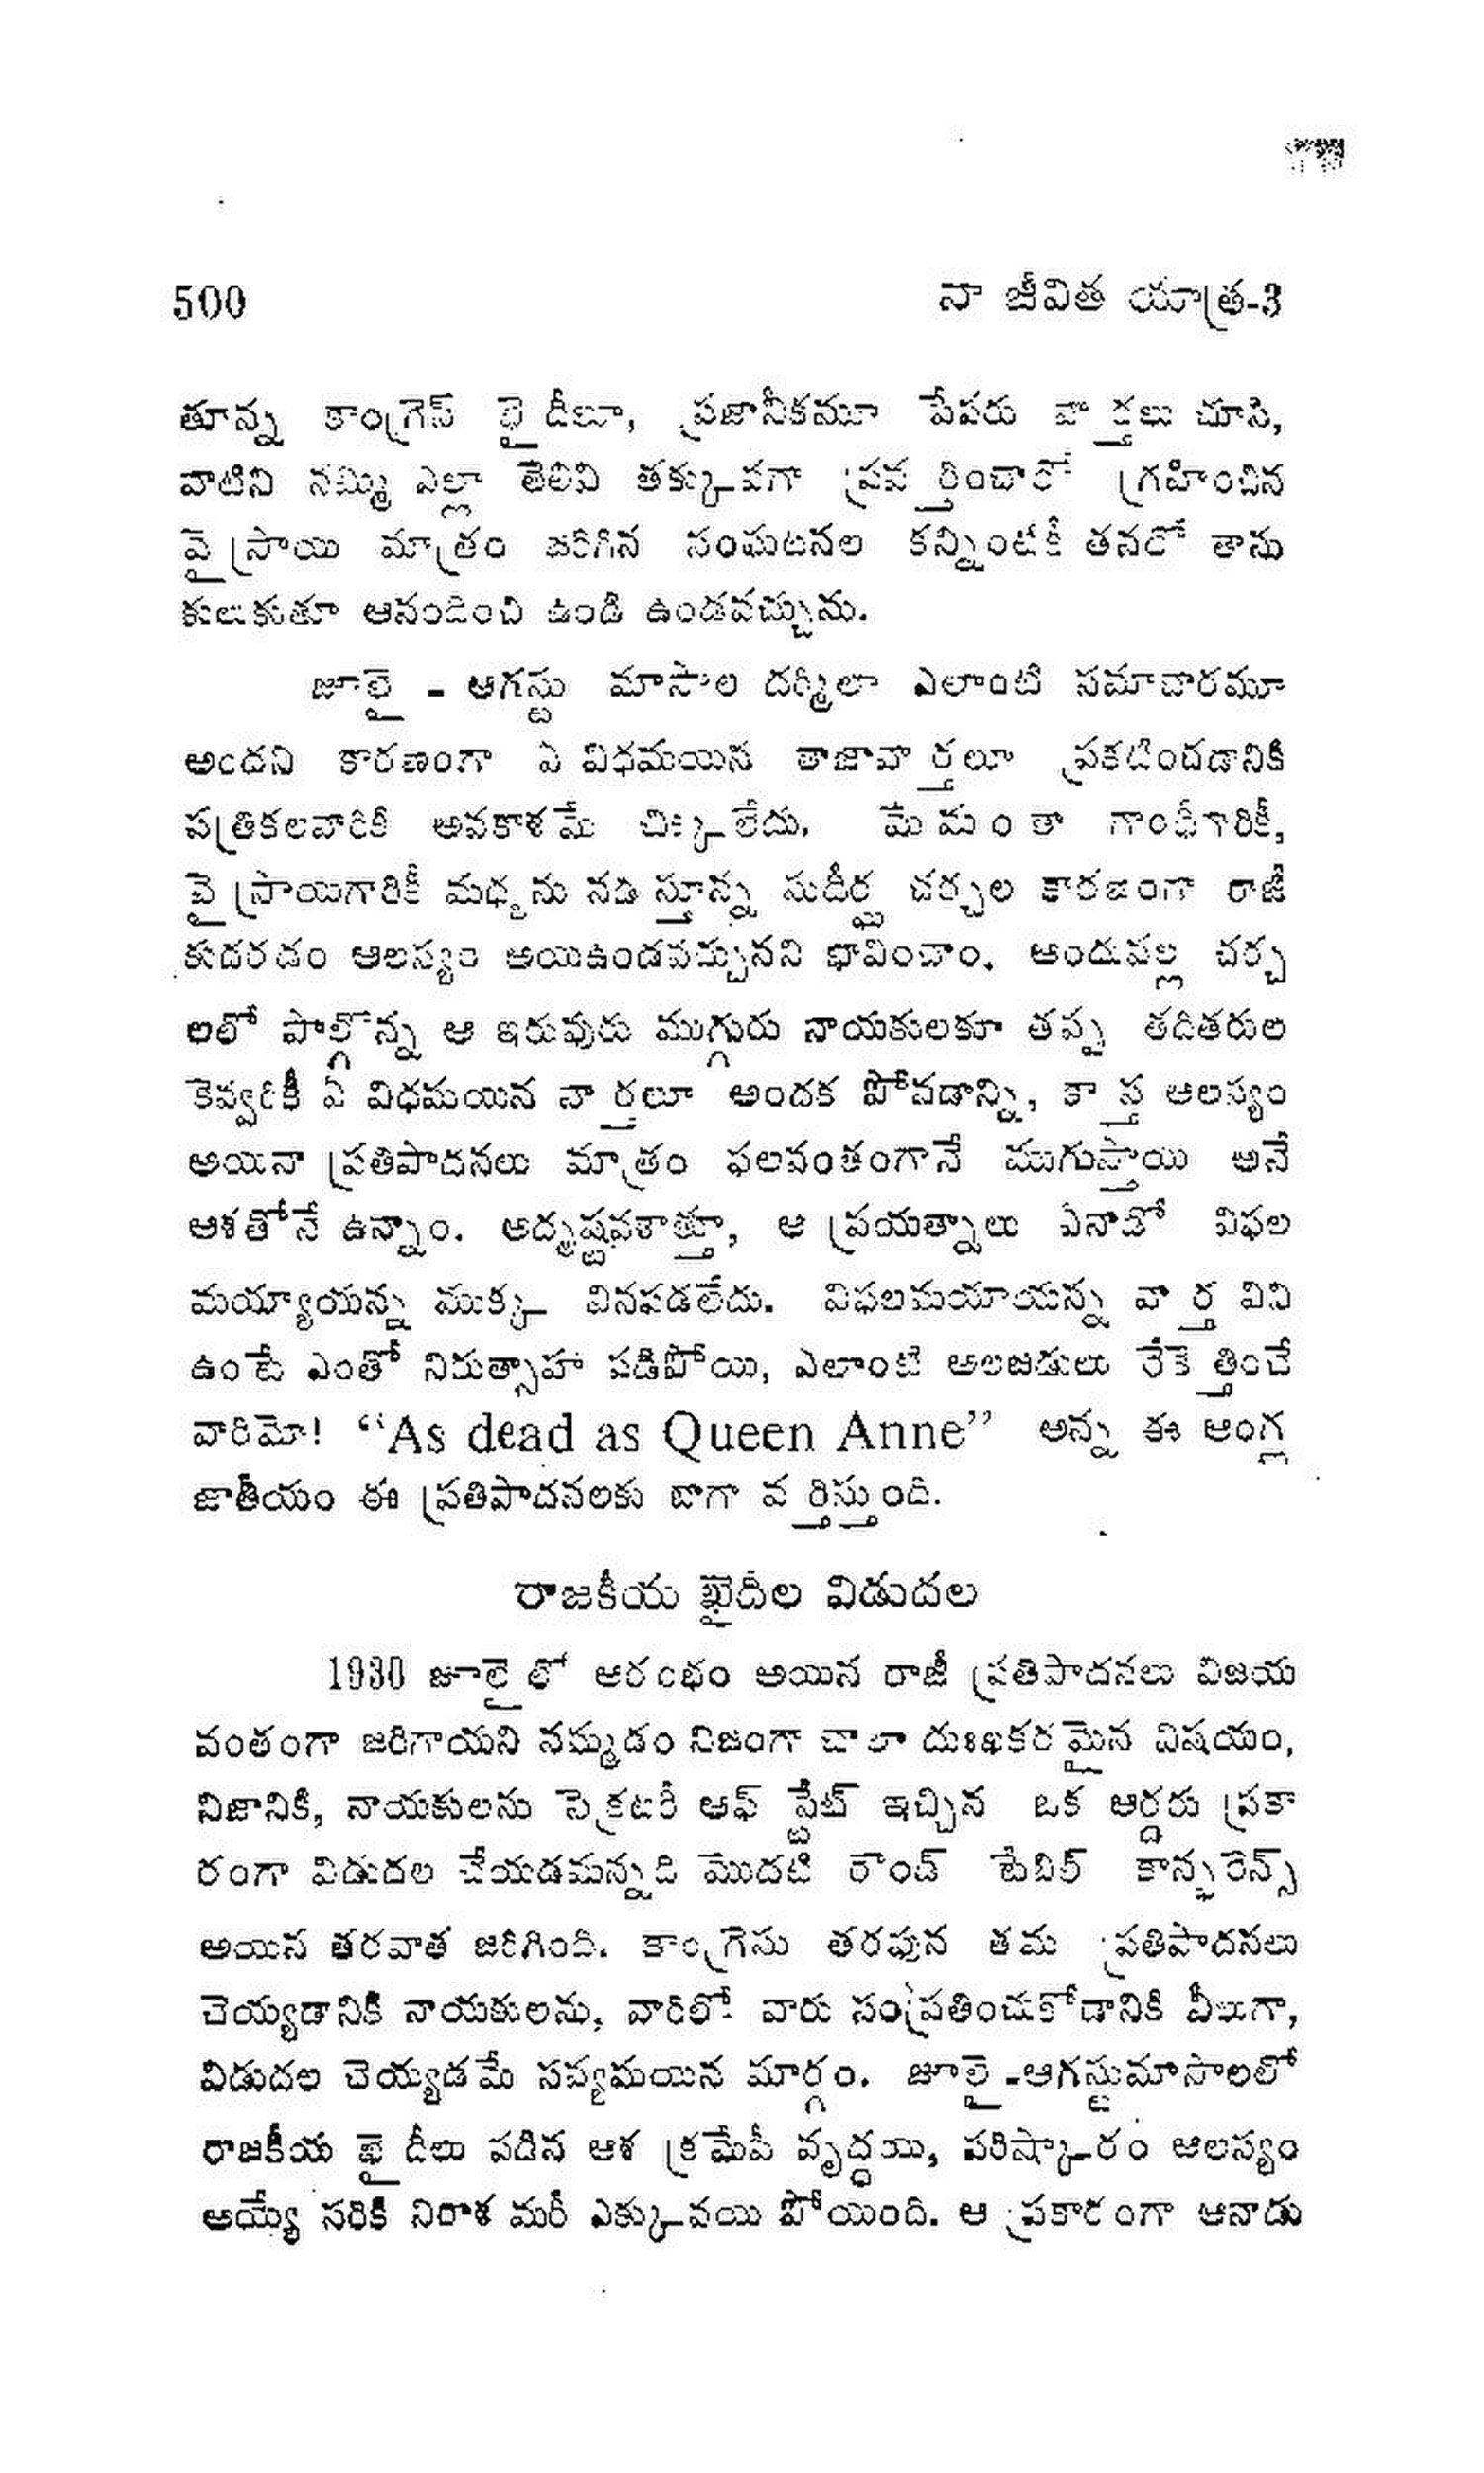తూన్న కాంగ్రెస్ ఖైదీలూ, ప్రజానీకమూ పేపరు వార్తలు చూసి, వాటిని నమ్మి ఎల్లా తెలివి తక్కువగా ప్రవర్తించారో గ్రహించిన వైస్రాయి మాత్రం జరిగిన సంఘటనల కన్నింటికీ తనలో తాను కులుకుతూ ఆనందించి ఉండి ఉండచచ్చును.

జూలై - ఆగస్టు మాసాల దర్మిలా ఎలాంటి సమాచారమూ అందని కారణంగా ఏ విధమయిన తాజావార్తలూ ప్రకటించడానికి పత్రికలవారికి అవకాశమే చిక్కలేదు. మేమంతా గాంధీగారికీ, వైస్రాయిగారికీ మధ్యను నడస్తూన్న సుదీర్ఘ చర్చల కారణంగా రాజీ కుదరడం ఆలస్యం అయిఉండవచ్చునని భావించాం. అందువల్ల చర్చలలో పాల్గొన్న ఆ ఇరువురు ముగ్గురు నాయకులకూ తప్ప తదితరుల కెవ్వరికీ ఏ విధమయిన వార్తలూ అందక పోవడాన్ని, కాస్త ఆలస్యం అయినా ప్రతిపాదనలు మాత్రం ఫలవంతంగానే ముగుస్తాయి అనే ఆశతోనే ఉన్నాం. అదృష్టవశాత్తూ, ఆ ప్రయత్నాలు ఏనాడో విఫలమయ్యాయన్న ముక్క వినబడలేదు. విఫల మయాయన్న వార్త విని ఉంటే ఎంతో నిరుత్సాహ పడిపోయి, ఎలాంటి అలజడులు రేకెత్తించే వారిమో! "As dead as Queen Anne" అన్న ఈ ఆంగ్ల జాతీయం ఈ ప్రతిపాదనలకు బాగా వర్తిస్తుంది.

1930 జూలైలో ఆరంభం అయిన రాజీ ప్రతిపాదనలు విజయవంతంగా జరిగాయని నమ్మడం నిజంగా చాలా దు:ఖకరమైన విషయం. నిజానికి, నాయకులను సెక్రటరీ ఆఫ్ స్టేట్ ఇచ్చిన ఒక ఆర్డరు ప్రకారంగా విడుదల చేయడమన్నది మొదటి రౌండ్ టేబిల్ కాన్పరెన్స్ అయిన తరవాత జరిగింది. కాంగ్రెసు తరపున తమ ప్రతిపాదనలు చెయ్యడానికి నాయకులను, వారిలో - వారు సంప్రతించుకోడానికి వీలుగా, విడుదల చెయ్యడమే సవ్యమయిన మార్గం. జూలై - ఆగస్టుమాసాలలో రాజకీయ ఖైదీలు పడిన ఆశ క్రమేపీ వృద్ధయి, పరిష్కారం ఆలస్యం అయ్యే సరికి నిరాశ మరీ ఎక్కువయి పోయింది. ఆ ప్రకారంగా ఆనాడు